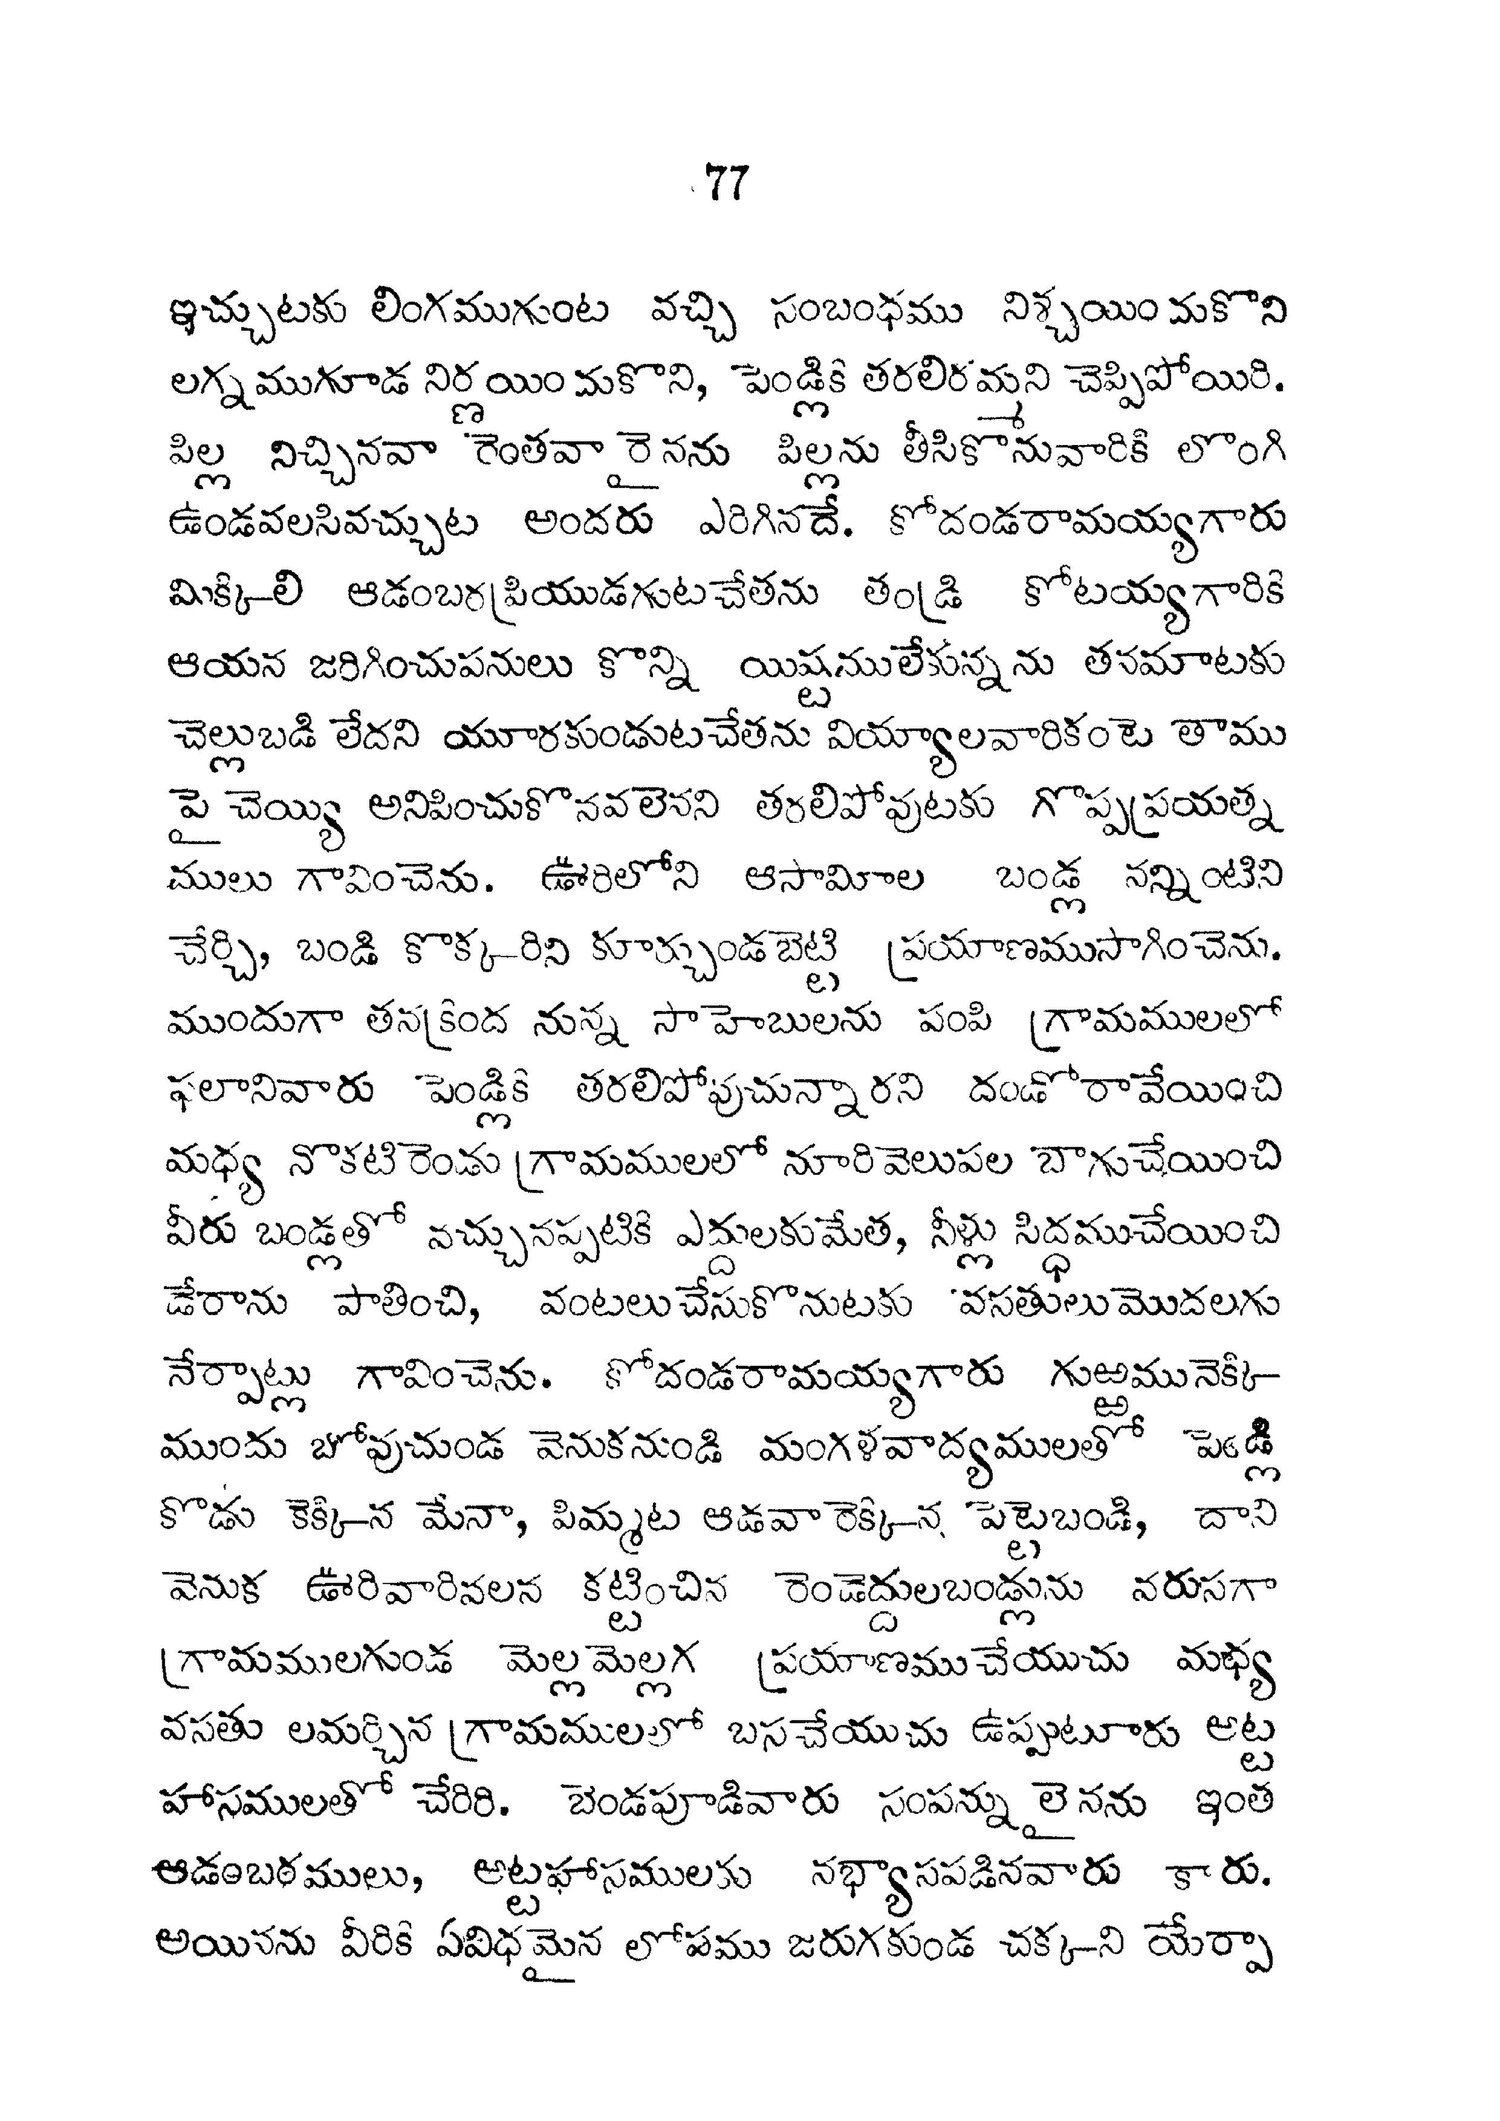ఇచ్చుటకు లింగముగుంట వచ్చి సంబంధము నిశ్చయించుకొని లగ్నముగూడ నిర్ణయించుకొని, పెండ్లికి తరలిరమ్మని చెప్పిపోయిరి. పిల్ల నిచ్చినవా రెంతవారైనను పిల్లను తీసికొనువారికి లొంగి ఉండవలసివచ్చుట అందరు ఎరిగినదే. కోదండరామయ్యగారు మిక్కిలి ఆడంబరప్రియుడగుటచేతను తండ్రి కోటయ్యగారికి ఆయన జరిగించుపనులు కొన్ని యిష్టములేకున్నను తనమాటకు చెల్లుబడిలేదని యూరకుండుటచేతను వియ్యాలవారికంటె తాము పై చెయ్యి అనిపించుకొనవలెనని తరలిపోవుటకు గొప్పప్రయత్నములు గావించెను. ఊరిలోని ఆసామీల బండ్ల నన్నింటిని చేర్చి, బండి కొక్కరిని కూర్చుండబెట్టి ప్రయాణముసాగించెను. ముందుగా తనక్రింద నున్న సాహెబులను పంపి గ్రామములలో ఫలానివారు పెండ్లికి తరలిపోవుచున్నారని దండోరావేయించి మధ్య నొకటిరెండు గ్రామములలో నూరివెలుపల బాగుచేయించి వీరు బండ్లతో వచ్చునప్పటికి ఎద్దులకుమేత, నీళ్లు సిద్ధముచేయించి డేరాను పాతించి, వంటలుచేసుకొనుటకు వసతులుమొదలగు నేర్పాట్లు గావించెను. కోదండరామయ్యగారు గుఱ్ఱమునెక్కి ముందు బోవుచుండ వెనుకనుండి మంగళవాద్యములతో పెండ్లి కొడు కెక్కిన మేనా, పిమ్మట ఆడవారెక్కిన పెట్టెబండి, దాని వెనుక ఊరివారివలన కట్టించిన రెండెద్దులబండ్లును వరుసగా గ్రామములగుండ మెల్లమెల్లగ ప్రయాణముచేయుచు మధ్య వసతు లమర్చిన గ్రామములలో బసచేయుచు ఉప్పుటూరు అట్టహాసములతో చేరిరి. బెండపూడివారు సంపన్నులైనను ఇంత ఆడంబరములు, అట్టహాసములకు నభ్యాసపడినవారు కారు. అయినను వీరికి ఏవిధమైన లోపము జరుగకుండ చక్కని యేర్పా